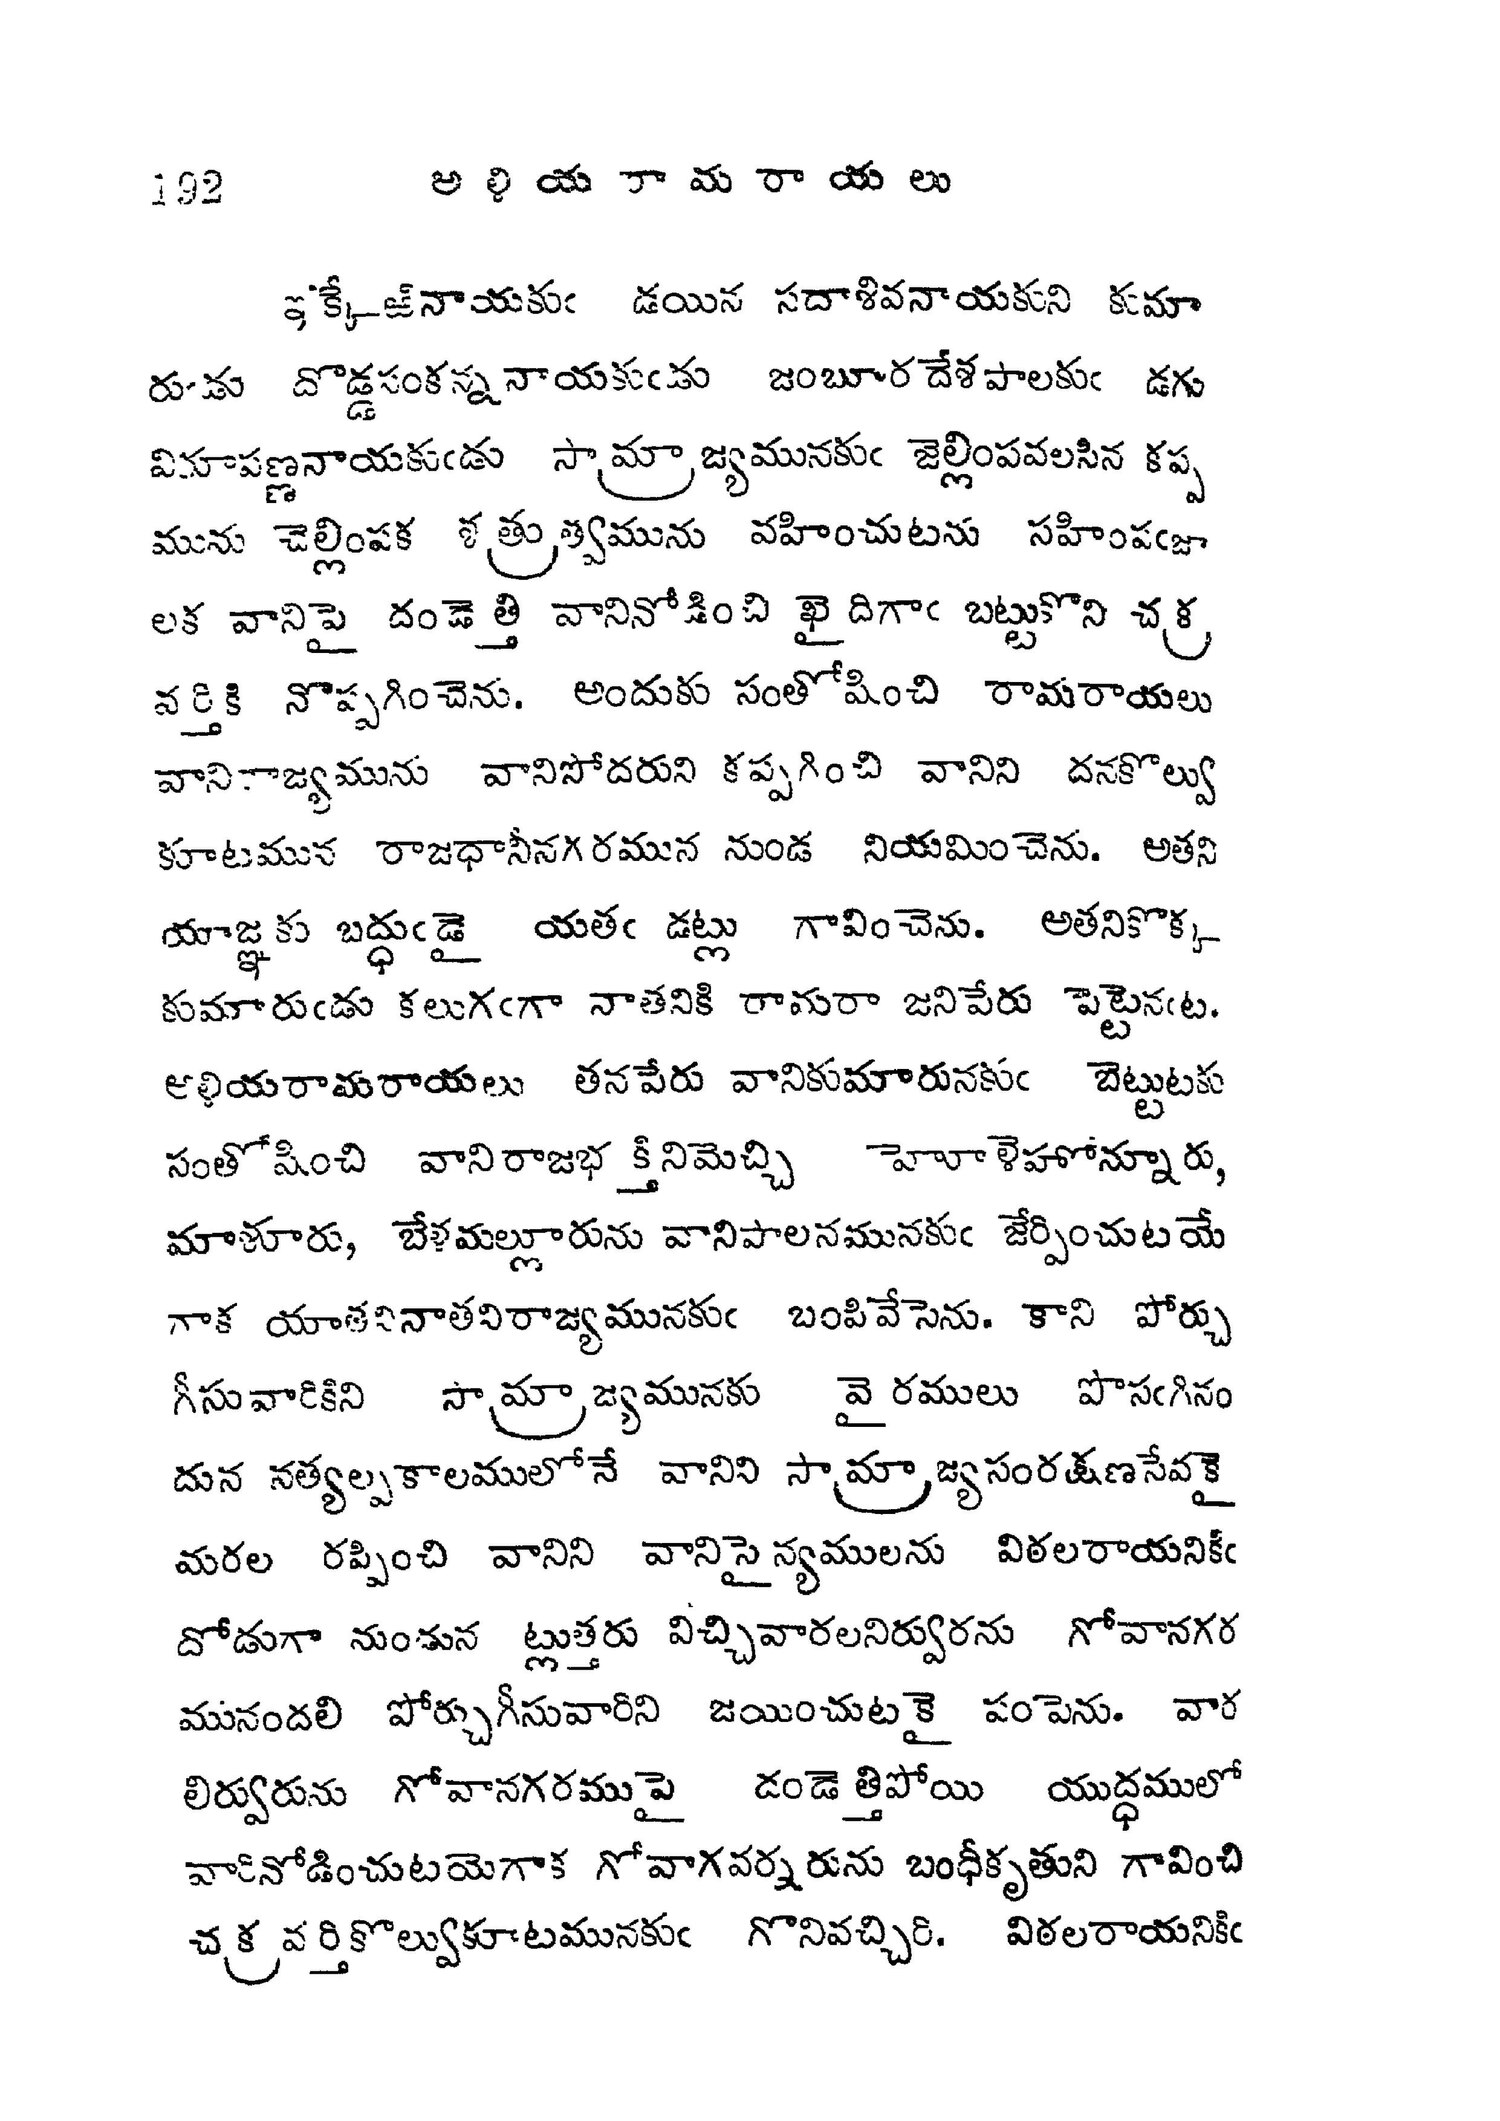ఇక్కేఱినాయకు డయిన సదాశివనాయకుని కుమారుడు దొడ్డనంకన్ననాయకుడు జంబూరదేశపాలకు డగు విరూపణ్ణనాయకుడు సామ్రాజ్యమునకు జెల్లింపవలసిన కప్పమును చెల్లింపక శత్రుత్వమును వహించుటను సహింపజాలక వానిపై దండెత్తి వానినోడించి ఖైదిగా బట్టుకొని చక్రవర్తికి నొప్పగించెను. అందుకు సంతోషించి రామరాయలు వానిరాజ్యమును వానిసోదరుని కప్పగించి వానిని దనకొల్వు కూటమున రాజధానీనగరమున నుండ నియమించెను. అతని యాజ్ఞకు బద్ధుడై యత డట్లు గావించెను. అతనికొక్క కుమారుడు కలుగగా నాతనికి రామరా జనిపేరు పెట్టెనట. అళియరామరాయలు తనపేరు వానికుమారునకు బెట్టుటకు సంతోషించి వానిరాజభక్తినిమెచ్చి హోళెహొన్నూరు, మాశూరు, బేళమల్లూరును వానిపాలనమునకు జేర్పించుటయే గాక యాతని నాతనిరాజ్యమునకు బంపివేసెను. కాని పోర్చుగీసువారికిని సామ్రాజ్యమునకు వైరములు పొసగినందున నత్యల్పకాలములోనే వానిని సామ్రాజ్యసంరక్షణసేవకై మరల రప్పించి వానిని వానిసైన్యములను విఠలరాయనికి దోడుగా నుండున ట్లుత్తరు విచ్చివారలనిర్వురును గోవానగరమునందలి పోర్చుగీసువారిని జయించుటకై పంపెను. వార లిర్వురును గోవానగరముపై దండెత్తిపోయి యుద్ధములో వారినోడించుటయెగాక గోవాగవర్నరును బంధీకృతుని గావించి చక్రవర్తికొల్వుకూటమునకు గొనివచ్చిరి. విఠలరాయనికి